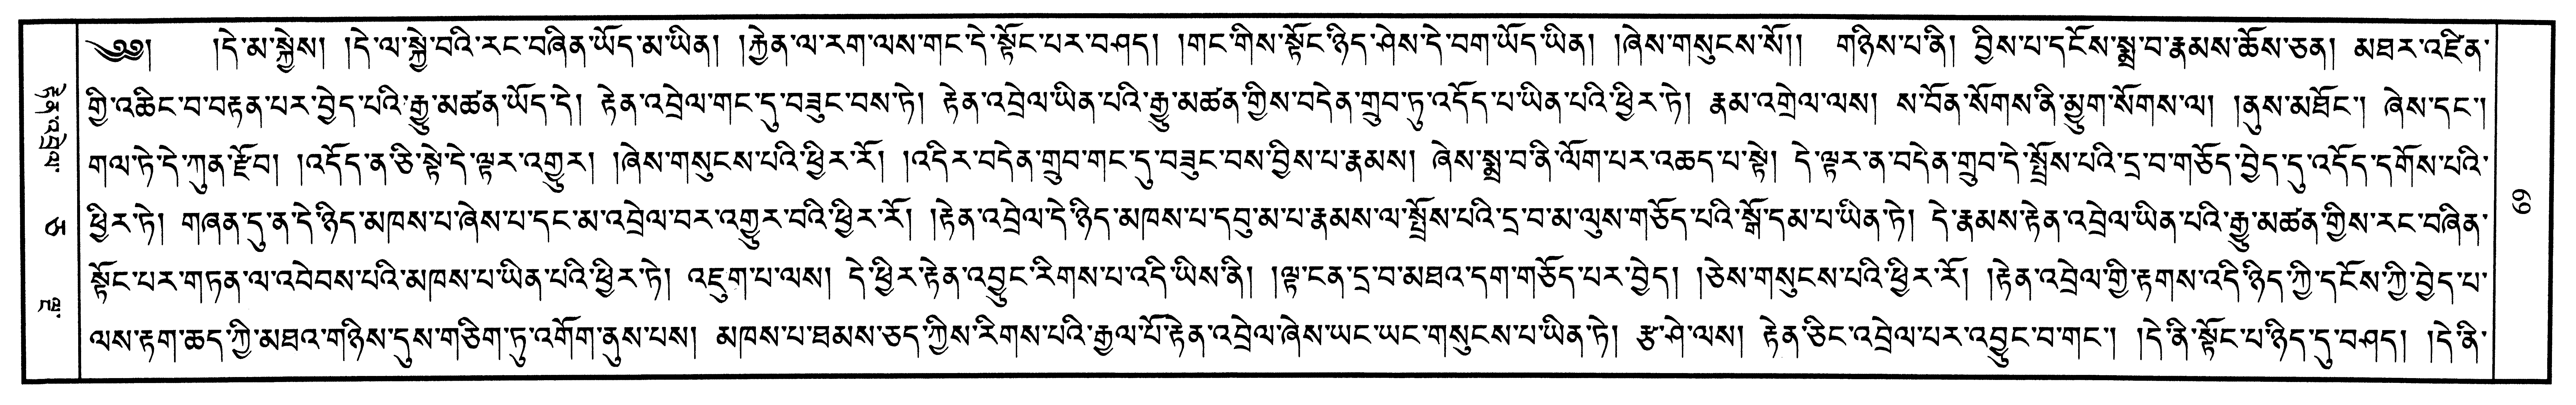༄༅། །དེ་མ་སྐྱེས། །དེ་ལ་སྐྱེ་བའི་རང་བཞིན་ཡོད་མ་ཡིན། །རྐྱེན་ལ་རག་ལས་གང་དེ་སྟོང་པར་བཤད། །གང་གིས་སྟོང་ཉིད་ཤེས་དེ་བག་ཡོད་ཡིན། །ཞེས་གསུངས་སོ།། གཉིས་པ་ནི། བྱིས་པ་དངོས་སྨྲ་བ་རྣམས་ཆོས་ཅན། མཐར་འཛིན་
གྱི་འཆིང་བ་བརྟན་པར་བྱེད་པའི་རྒྱུ་མཚན་ཡོད་དེ། རྟེན་འབྲེལ་གང་དུ་བཟུང་བས་ཏེ། རྟེན་འབྲེལ་ཡིན་པའི་རྒྱུ་མཚན་གྱིས་བདེན་གྲུབ་ཏུ་འདོད་པ་ཡིན་པའི་ཕྱིར་ཏེ། རྣམ་འགྲེལ་ལས། ས་བོན་སོགས་ནི་མྱུག་སོགས་ལ། །ནུས་མཐོང་། ཞེས་དང་།
གལ་ཏེ་དེ་ཀུན་རྫོབ། །འདོད་ན་ཅི་སྟེ་དེ་ལྟར་འགྱུར། །ཞེས་གསུངས་པའི་ཕྱིར་རོ། །འདིར་བདེན་གྲུབ་གང་དུ་བཟུང་བས་བྱིས་པ་རྣམས། ཞེས་སྨྲ་བ་ནི་ལོག་པར་འཆད་པ་སྟེ། དེ་ལྟར་ན་བདེན་གྲུབ་དེ་སྤྲོས་པའི་དྲ་བ་གཅོད་བྱེད་དུ་འདོད་དགོས་པའི་
ཕྱིར་ཏེ། གཞན་དུ་ན་དེ་ཉིད་མཁས་པ་ཞེས་པ་དང་མ་འབྲེལ་བར་འགྱུར་བའི་ཕྱིར་རོ། །རྟེན་འབྲེལ་དེ་ཉིད་མཁས་པ་དབུ་མ་པ་རྣམས་ལ་སྤྲོས་པའི་དྲ་བ་མ་ལུས་གཅོད་པའི་སྒོ་དམ་པ་ཡིན་ཏེ། དེ་རྣམས་རྟེན་འབྲེལ་ཡིན་པའི་རྒྱུ་མཚན་གྱིས་རང་བཞིན་
སྟོང་པར་གཏན་ལ་འབེབས་པའི་མཁས་པ་ཡིན་པའི་ཕྱིར་ཏེ། འཇུག་པ་ལས། དེ་ཕྱིར་རྟེན་འབྱུང་རིགས་པ་འདི་ཡིས་ནི། །ལྟ་ངན་དྲ་བ་མཐའ་དག་གཅོད་པར་བྱེད། །ཅེས་གསུངས་པའི་ཕྱིར་རོ། །རྟེན་འབྲེལ་གྱི་རྟགས་འདི་ཉིད་ཀྱི་དངོས་ཀྱི་བྱེད་པ་
ལས་རྟག་ཆད་ཀྱི་མཐའ་གཉིས་དུས་གཅིག་ཏུ་འགོག་ནུས་པས། མཁས་པ་ཐམས་ཅད་ཀྱིས་རིགས་པའི་རྒྱལ་པོ་རྟེན་འབྲེལ་ཞེས་ཡང་ཡང་གསུངས་པ་ཡིན་ཏེ། རྩ་ཤེ་ལས། རྟེན་ཅིང་འབྲེལ་པར་འབྱུང་བ་གང་། །དེ་ནི་སྟོང་པ་ཉིད་དུ་བཤད། །དེ་ནི་